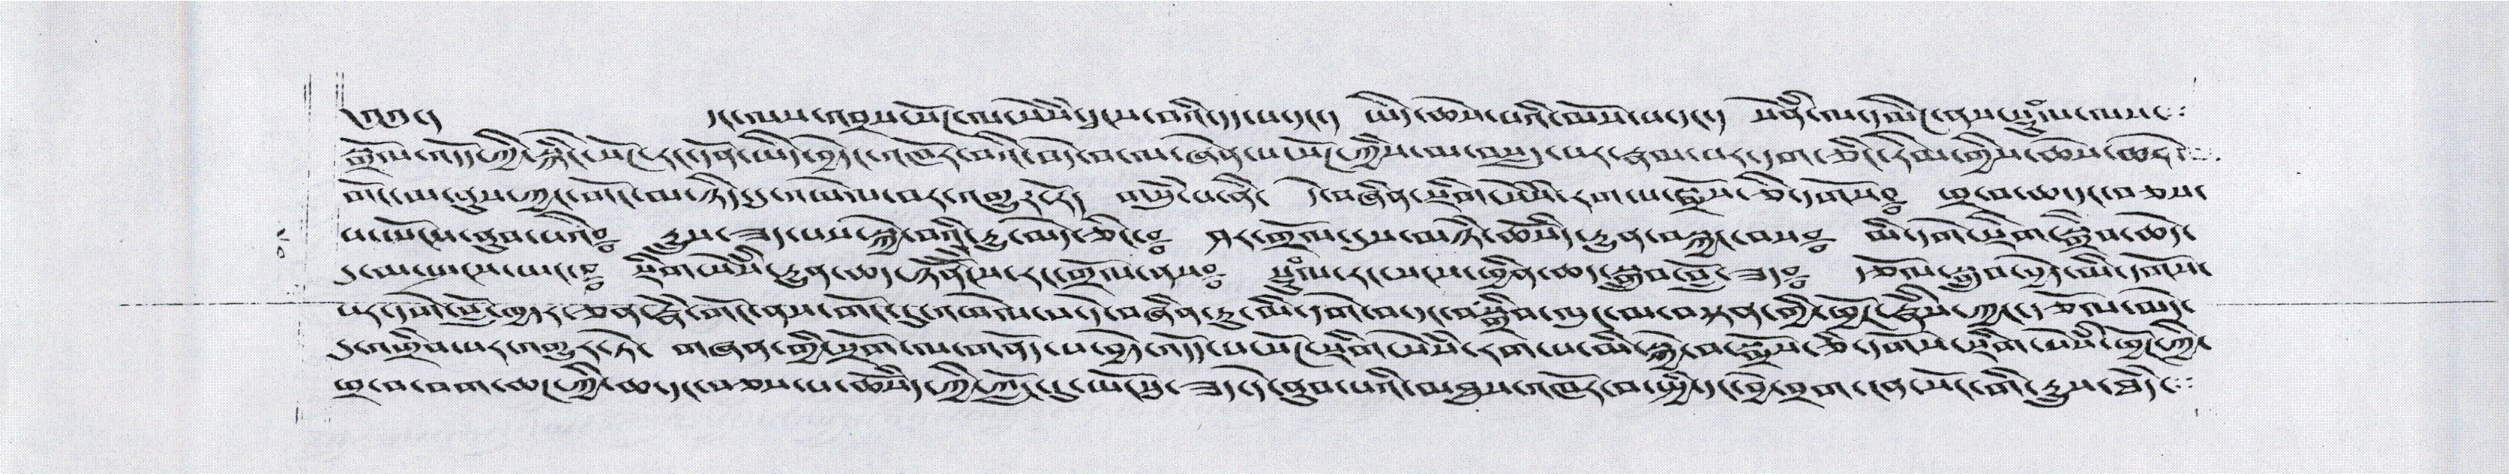ལས་འབྲས་སོགས་ལ་སེམས་དྭངས་པའི་དད་པ་དང་། ཡིད་ཆེས་པའི་མོས་པ་དང་། སེམས་ཅན་ལ་དམིགས་ནས་སྡུག་བསྔལ་ལས་
སྒྲོལ་འདོད་ཀྱི་སྙིང་རྗེ་སོགས་རང་དོན་ཡིད་བྱེད་དང་འཁོར་བའི་བདེ་བ་ལ་ཞེན་པ་སོགས་ཀྱིས་མ་བསླད་པར་རྣམ་པར་དག་ཅིང་རིམ་གྱིས་ཆེས་ཆེར་
གོང་མ་ནུས་ཀྱང་གོང་མ་ཉིད་དུ་འཕེལ་བར་འགྱུར་རོ། གསུམ་པ་ནི། དེ་བཞིན་སྡིག་སེམས་རགས་པ་སྨོས་ཅི་དགོསཿ ཕྲ་བ་ཆ་དང་བཅས་
པ་ཡོངས་ནུབ་པའིཿ རྒྱུ་འབྲས་ཟད་པས་སྐྱེ་བའི་རྒྱུ་མེད་ཅིངཿ ཤར་གྲོལ་དུས་མཉམ་ཆོས་ཉིད་རྒྱུན་བསྐྱང་བསཿ མི་དགེ་སྡིག་སྒྲིབ་ཆེད་
དུ་མ་སྤང་ཡངཿ སྡིག་སེམས་རྒྱུན་ཆད་ཉོན་མོངས་རང་གྲོལ་ནསཿ སྡུག་བསྔལ་རང་སངས་ཕྱིན་ཆད་སྒྲུབ་བློ་ཟདཿ རྩོལ་སྒྲུབ་བྱེད་མི་དགོས་
པར་དགེ་བློ་ཁྱད་པར་ཅན་རྣམས་གོང་ནས་གོང་དུ་འཕེལ་བ་དེ་བཞིན་དུ་མི་དགེ་བ་དང་སྒྲིབ་ལུང་མ་བསྟན་གྱི་ཕྱོགས་རྣམས་ཀྱང་རྩོལ་མེད་
དུ་འགྲིབ་པར་འགྱུར་ཏེ། གཞན་གྱི་སྲོག་ལ་གནོད་པ་བྱེད་འདོད་པ་སོགས་སྡིག་སེམས་རགས་པ་མི་སྐྱེ་བ་སྨོས་ཅི་དགོས་སྡིག་སེམས་ཕྱོགས་ཀྱི་
ཕྲ་བ་བག་ཆགས་དང་བཅས་པ་ཐམས་ཅད་ཆོས་ཉིད་ཀྱི་ཀློང་དུ་ཡོངས་སུ་ཟད་དེ་ནུབ་པའི་མཐུས། འཁོར་བ་སྤྱི་དང་བྱེ་བྲག་འཁོར་བ་སྤྱི་དང་བྱེ་བྲག་ངན་སོང་གི་རྒྱུ་འབྲས་ཐམས་ཅད་